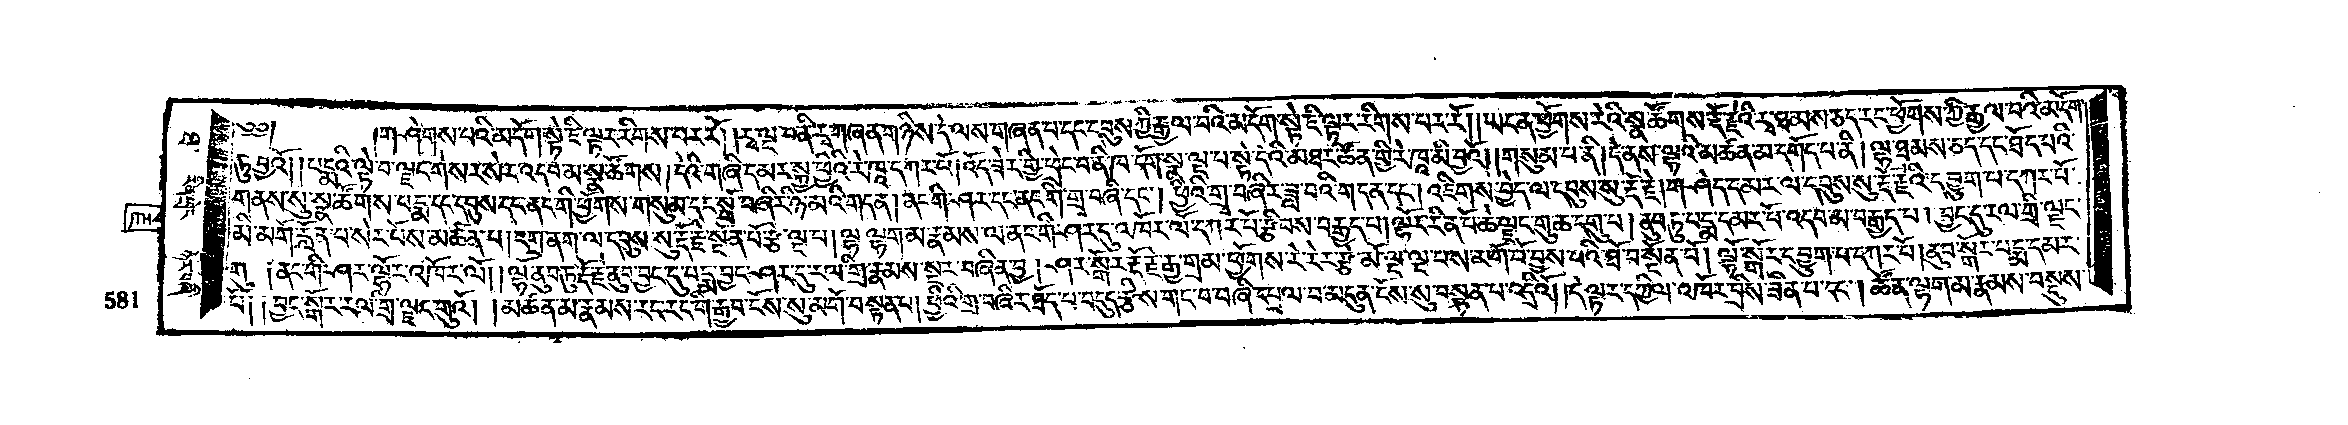༄༅། །གཤེགས་པའི་མདོག་སྟེ་ཇི་ལྟར་རིགས་པར་རོ། །རྭ་ལྔ་བ་ནི་རྭ་གཞན་གཉིས་དེ་ལས་གཞན་པ་དང་དབུས་ཀྱི་རྒྱལ་བའི་མདོག་སྟེ་ཇི་ལྟར་རིགས་པར་རོ། །ཡང་ན་ཕྱོགས་རེའི་སྣ་ཚོགས་རྡོ་རྗེའི་རྭ་ཐམས་ཅད་རང་ཕྱོགས་ཀྱི་རྒྱལ་བའི་མདོག་
ཏུ་བྱའོ། །པདམའི་ལྟེ་བ་ལྗང་གེ་སར་སེར་འདབ་མ་སྣ་ཚོགས། དེའི་གཞི་དམར་སྐྱ་ཕྱིའི་རེ་ཁཱ་དཀར་པོ། འོད་ཟེར་གྱི་ཕྲེང་བ་ནི་ཁ་དོག་སྣ་ལྔ་པ་སྟེ་དེའི་མཐར་ཚོན་གྱི་རེ་ཁཱ་མི་བྱའོ། །གསུམ་པ་ནི། དེ་ནས་ལྷའི་མཚན་མ་དགོད་པ་ནི། ལྷ་ཐམས་ཅད་དང་ཐོད་པའི་
གནས་སུ་སྣ་ཚོགས་པདམ་དང་དབུས་དང་ནང་གི་ཕྱོགས་གསུམ་དང་སྒོ་བཞིར་ཉི་མའི་གདན། ནང་གི་ཤར་དང་ནང་གི་གྲྭ་བཞི་དང་། ཕྱིའི་གྲྭ་བཞིར་ཟླ་བའི་གདན་དང་། འཇིགས་བྱེད་ལ་དབུས་སུ་རྡོ་རྗེ། གཤེད་དམར་ལ་དབུས་སུ་རྡོ་རྗེའི་དབྱུག་པ་དཀར་པོ་
མི་མགོ་རློན་པ་སེར་པོས་མཚན་པ། དགྲ་ནག་ལ་དབུས་སུ་རྡོ་རྗེ་སྔོན་པོ་རྩེ་ལྔ་པ། ལྷ་ལྷག་མ་རྣམས་ལ་ནང་གི་ཤར་དུ་འཁོར་ལོ་དཀར་པོ་རྩིབས་བརྒྱད་པ། ལྷོར་རིན་པོ་ཆེ་ལྗང་གུ་ཆ་དགུ་པ། ནུབ་ཏུ་པདམ་དམར་པོ་འདབ་མ་བརྒྱད་པ། བྱང་དུ་རལ་གྲི་ལྗང་
གུ ༑ནང་གི་ཤར་ལྷོར་འཁོར་ལོ། །ལྷོ་ནུབ་ཏུ་རྡོ་རྗེ་ནུབ་བྱང་དུ་པདམ་བྱང་ཤར་དུ་རལ་གྲི་རྣམས་སྔར་བཞིན་བྱ། ཤར་སྒོར་རྡོ་རྗེ་རྒྱ་གྲམ་ཕྱོགས་རེ་རེར་རྩེ་མོ་ལྔ་ལྔ་པས་མགོ་བོ་བྱས་པའི་ཐོ་བ་སྔོན་པོ། ལྷོ་སྒོར་དབྱུག་པ་དཀར་པོ། ནུབ་སྒོར་པདམ་དམར་
པོ། །བྱང་སྒོར་རལ་གྲི་ལྗང་གུའོ། །མཚན་མ་རྣམས་རང་རང་གི་རྒྱབ་ངོས་སུ་མགོ་བ་བསྟན་པ། ཕྱིའི་གྲྭ་བཞིར་ཐོད་པ་བདུད་རྩིས་གང་བ་བཞི་དཔྲལ་བ་མདུན་ངོས་སུ་བསྟན་པ་འདྲིའོ། །དེ་ལྟར་དཀྱིལ་འཁོར་བྲིས་ཟིན་པ་དང་། ཚོན་ལྷག་མ་རྣམས་བསྡུས་